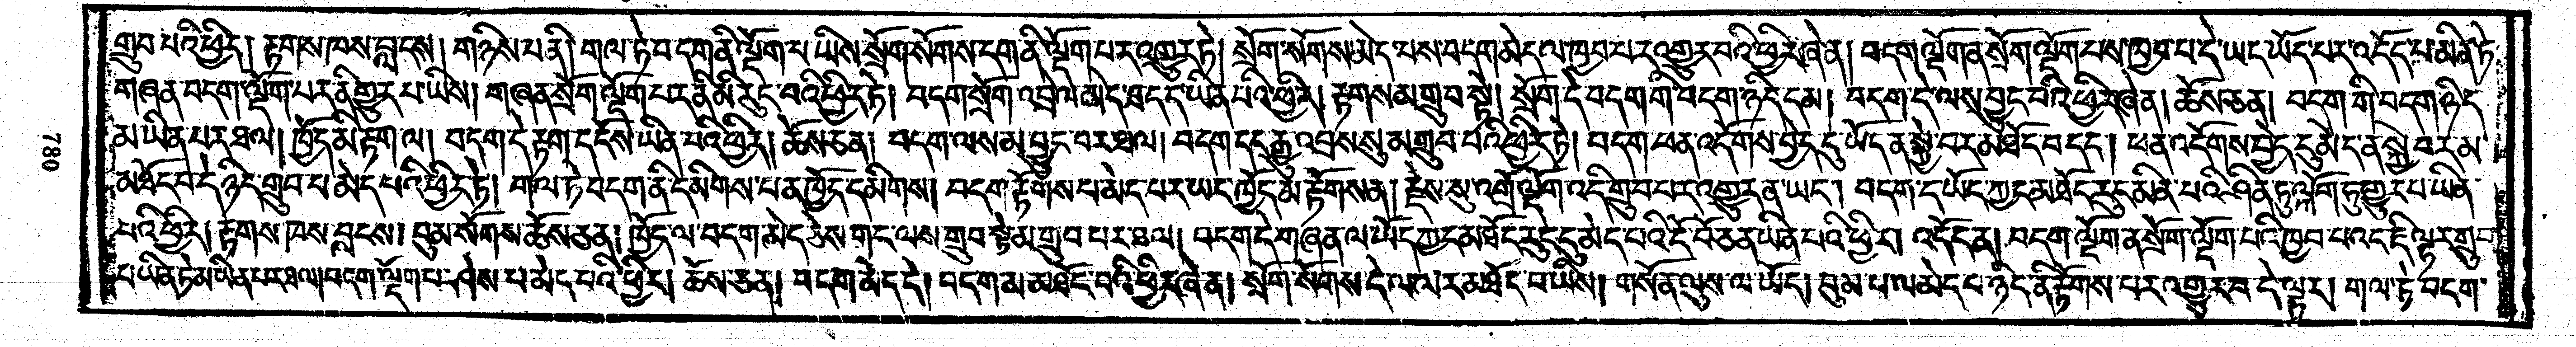གྲུབ་པའི་ཕྱིར། རྟགས་ཁས་བླངས། གཉིས་པ་ནི། གལ་ཏེ་བདག་ནི་ལྡོག་པ་ཡིས་སྲོག་སོགས་དག་ནི་ལྡོག་པར་འགྱུར་ཏེ། སྲོག་སོགས་མེད་པས་བདག་མེད་ལ་ཁྱབ་པར་འགྱུར་བའི་ཕྱིར་ཞེ་ན། བདག་ལྡོག་ན་སྲོག་ལྡོག་པས་ཁྱབ་པ་དེ་ཡང་ཡོད་པར་འདོད་པ་མིན་ཏེ་
གཞན་བདག་ལྡོག་པར་ནི་གྱུར་པ་ཡིས། གཞན་སྲོག་ལྡོག་པར་ནི་མི་རུང་བའི་ཕྱིར་ཏེ། བདག་སྲོག་འབྲེལ་མེད་ཐ་དད་ཡིན་པའི་ཕྱིར། རྟགས་མ་གྲུབ་སྟེ། སྲོག་དེ་བདག་གི་བདག་ཉིད་དམ། བདག་དེ་ལས་བྱུང་བའི་ཕྱིར་ཞེ་ན། ཆོས་ཅན། བདག་གི་བདག་ཉིད་
མ་ཡིན་པར་ཐལ། ཁྱོད་མི་རྟག་ལ། བདག་དེ་རྟག་དངོས་ཡིན་པའི་ཕྱིར། ཆོས་ཅན། བདག་ལས་མ་བྱུང་བར་ཐལ། བདག་དང་རྒྱུ་འབྲས་བུ་མ་གྲུབ་པའི་ཕྱིར་ཏེ། བདག་ཕན་འདོགས་བྱེད་དུ་ཡོད་ན་སྐྱེ་བར་མཐོང་བ་དང་། ཕན་འདོགས་བྱེད་དུ་མེད་ན་སྐྱེ་བར་མ་
མཐོང་བ་དེ་ཉིད་གྲུབ་པ་མེད་པའི་ཕྱིར་ཏེ། གལ་ཏེ་བདག་ནི་དམིགས་པ་ན་ཁྱོད་དམིགས། བདག་རྟོགས་པ་མེད་པར་ཡང་ཁྱོད་མ་རྟོགས་ན། རྗེས་སུ་འགྲོ་ལྡོག་འདི་གྲུབ་པར་འགྱུར་ན་ཡང་། བདག་ད་ཡོད་ཀྱང་མཐོང་རུང་མིན་པའི་ཤིན་ཏུ་ལྐོག་ཏུ་གྱུར་པ་ཡིན་
པའི་ཕྱིར། རྟགས་ཁས་བླངས། བུམ་སོགས་ཆོས་ཅན། ཁྱོད་ལ་བདག་མེད་ཅེས་གང་ལས་གྲུབ་སྟེ་མ་གྲུབ་པར་ཐལ། བདག་དེ་གཞན་ལ་ཡོད་ཀྱང་མཐོང་རུང་དུ་མེད་པའི་ངོ་བོ་ཅན་ཡིན་པའི་ཕྱིར། འདོད་ན། བདག་ལྡོག་ན་སྲོག་ལྡོག་པའི་ཁྱབ་པའང་ཇི་ལྟར་གྲུབ་
པ་ཡིན་ཏེ་མ་ཡིན་པར་ཐལ། བདག་ལྡོག་པ་ཤེས་པ་མེད་པའི་ཕྱིར། ཆོས་ཅན། བདག་མེད་དེ། བདག་མ་མཐོང་བའི་ཕྱིར་ཞེ་ན། སྲོག་སོགས་དེ་ལ་ལར་མཐོང་བ་ཡིས། གསོན་ལུས་ལ་ཡོད། བུམ་པ་ལ་མེད་པ་ཉིད་ནི་རྟོགས་པར་འགྱུར་བ་དེ་ལྟར། གལ་ཏེ་བདག་